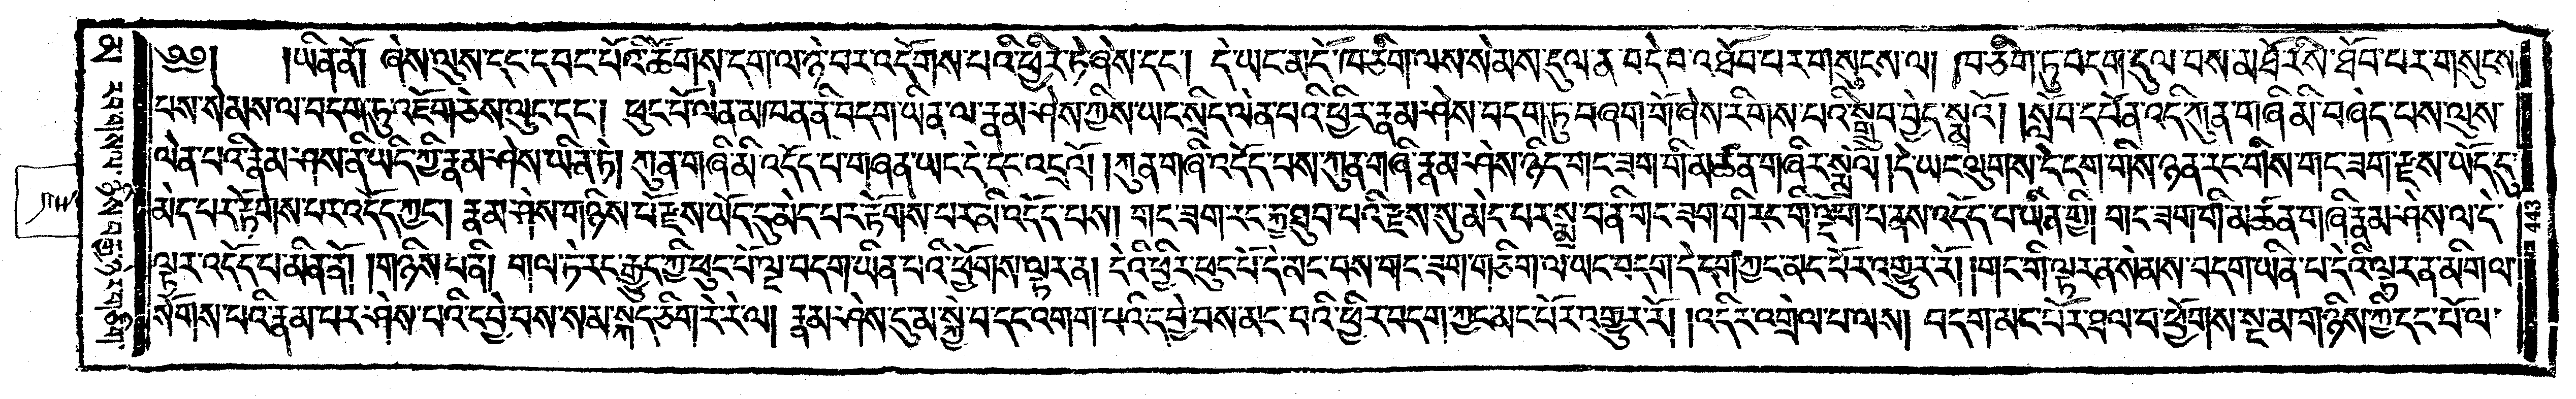༄༅། །ཡིན་ནོ། ཞེས་ལུས་དང་དབང་པོའི་ཚོགས་དག་ལ་ཉེ་བར་འདོགས་པའི་ཕྱིར་ཏེ་ཞེས་དང་། དེ་ཡང་མདོ་ཁ་ཅིག་ལས་སེམས་དུལ་ན་བདེ་བ་འཐོབ་པར་གསུངས་ལ། ཁ་ཅིག་ཏུ་བདག་དུལ་བས་མཐོ་རིས་ཐོབ་པར་གསུངས་
པས་སེམས་ལ་བདག་ཏུ་འཇོག་ཅེས་ལུང་དང་། ཕུང་པོ་ལེན་མཁན་ནི་བདག་ཡིན་ལ་རྣམ་ཤེས་ཀྱིས་ཡང་སྲིད་ལེན་པའི་ཕྱིར་རྣམ་ཤེས་བདག་ཏུ་བཞག་གོ་ཞེས་རིགས་པའི་སྒྲུབ་བྱེད་སྨྲའོ། །སློབ་དཔོན་འདི་ཀུན་གཞི་མི་བཞེད་པས་ལུས་
ལེན་པའི་རྣམ་ཤེས་ནི་ཡིད་ཀྱི་རྣམ་ཤེས་ཡིན་ཏེ། ཀུན་གཞི་མི་འདོད་པ་གཞན་ཡང་དེ་དང་འདྲའོ། །ཀུན་གཞི་འདོད་པས་ཀུན་གཞི་རྣམ་ཤེས་ཉིད་གང་ཟག་གི་མཚན་གཞིར་སྨྲའོ། །དེ་ཡང་ལུགས་དེ་དག་གིས་ཉན་རང་གིས་གང་ཟག་རྫས་ཡོད་དུ་
མེད་པར་རྟོགས་པར་འདོད་ཀྱང་། རྣམ་ཤེས་གཉིས་པོ་རྫས་ཡོད་དུ་མེད་པར་རྟོགས་པར་མི་འདོད་པས། གང་ཟག་རང་རྐྱ་ཐུབ་པའི་རྫས་སུ་མེད་པར་སྨྲ་བ་ནི་གང་ཟག་གི་རང་གི་ལྡོག་པ་ནས་འདོད་པ་ཡིན་གྱི། གང་ཟག་གི་མཚན་གཞི་རྣམ་ཤེས་ལ་དེ་
ལྟར་འདོད་པ་མིན་ནོ། །གཉིས་པ་ནི། གལ་ཏེ་རང་རྒྱུད་ཀྱི་ཕུང་པོ་ལྔ་བདག་ཡིན་པའི་ཕྱོགས་ལྟར་ན། དེའི་ཕྱིར་ཕུང་པོ་དེ་མང་བས་གང་ཟག་གཅིག་ལ་ཡང་བདག་དེ་དག་ཀྱང་མང་པོར་འགྱུར་རོ། །གང་གི་ལྟར་ན་སེམས་བདག་ཡིན་པ་དེའི་ལྟར་ན་མིག་ལ་
སོགས་པའི་རྣམ་པར་ཤེས་པའི་དབྱེ་བས་སམ་སྐད་ཅིག་རེ་རེ་ལ། རྣམ་ཤེས་དུ་མ་སྐྱེ་བ་དང་འགག་པའི་དབྱེ་བས་མང་བའི་ཕྱིར་བདག་ཀྱང་མང་པོར་འགྱུར་རོ། །འདིར་འགྲེལ་པ་ལས། བདག་མང་པོར་ཐལ་བ་ཕྱོགས་སྔ་མ་གཉིས་ཀྱི་དང་པོ་ལ་